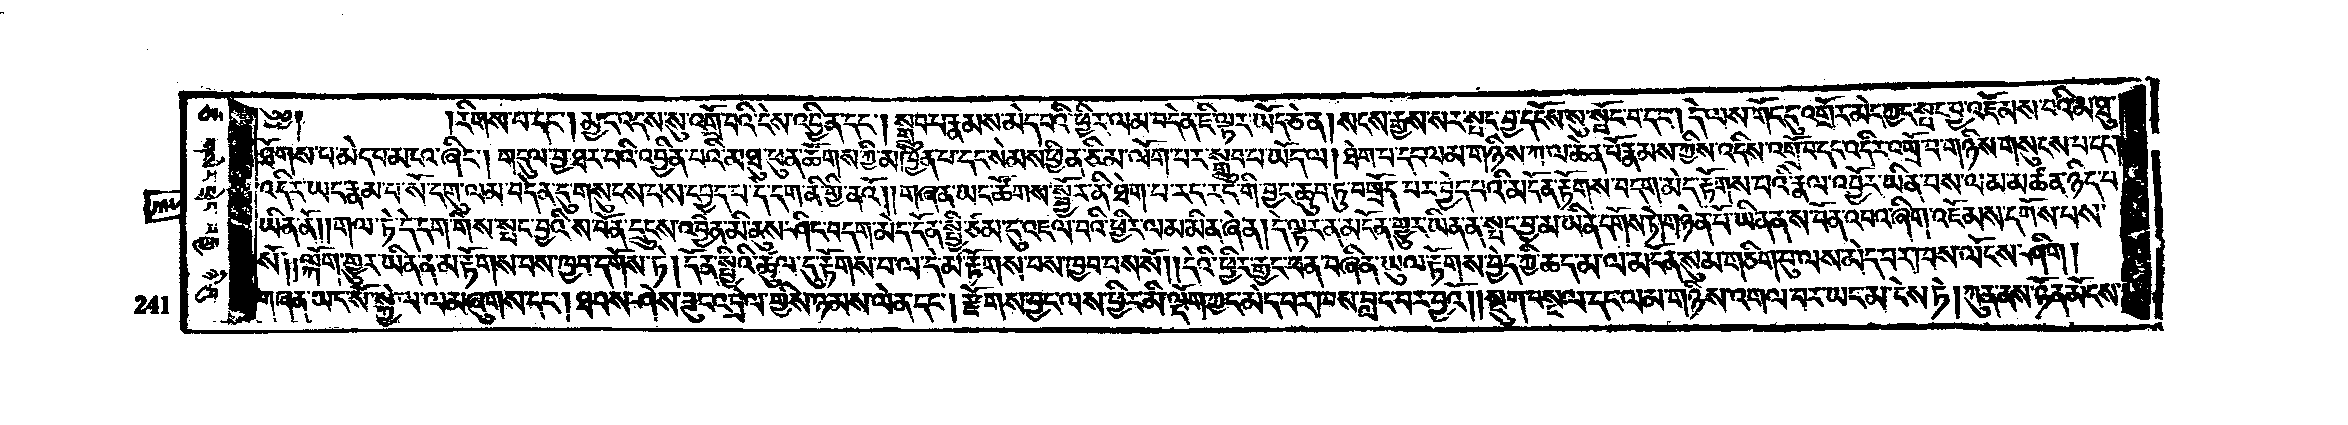༄༅། །རིགས་པ་དང་། མྱང་འདས་སུ་འགྲོ་བའི་ངེས་འབྱིན་དང་། སྒྲུབ་པ་རྣམས་མེད་པའི་ཕྱིར་ལམ་བདེན་ཇི་ལྟར་ཡོད་ཅེ་ན། སངས་རྒྱས་སར་སྤང་བྱ་དངོས་སུ་སྤོང་བ་དང་། དེ་ལས་གོང་དུ་འགྲོར་མེད་ཀྱང་སྤང་བྱ་འཇོམས་པའི་མཐུ་
ཐོགས་པ་མེད་པ་མངའ་ཞིང་། གདུལ་བྱ་ཐར་པའི་འབྱིན་པའི་མཐུ་ཕུན་ཚོགས་ཀྱི་མཁྱིན་པ་དང་སེམས་ཕྱིན་ཅི་མ་ལོག་པར་སྒྲུབ་པ་ཡོད་ལ། ཐེག་པ་དང་ལམ་གཉིས་ཀ་ལ་ཆེན་པོ་རྣམས་ཀྱིས་འདིས་འགྲོ་བ་དང་འདིར་འགྲོ་བ་གཉིས་གསུངས་པ་དང་།
འདིར་ཡང་རྣམ་པ་སོ་དགུ་ལམ་བདེན་དུ་གསུངས་པས་དཔྱད་པ་དེ་དག་ནི་གྱི་ནའོ། །གཞན་ཡང་ཚོགས་སྦྱོར་ནི་ཐེག་པ་རང་རང་གི་བྱང་ཆུབ་ཏུ་བགྲོད་པར་བྱེད་པའི་མངོན་རྟོགས་བདག་མེད་རྟོགས་པའི་རྣལ་འབྱོར་ཡིན་པས་ལམ་མཚན་ཉིད་པ་
ཡིན་ནོ། །གལ་ཏེ་དེ་དག་གིས་སྤང་བྱའི་ས་བོན་དྲུངས་འབྱིན་མི་ནུས་ཤིང་བདག་མེད་དོན་སྤྱི་ཙམ་དུ་འཇལ་བའི་ཕྱིར་ལམ་མིན་ཞེ་ན། དེ་ལྟར་ན་མངོན་གྱུར་ཡིན་ན་སྤང་བྱ་མ་ཡིན་དགོས་ཏེ། གཉེན་པོ་ཡིན་ན་ས་བོན་འབའ་ཞིག་འཇོམས་དགོས་པས་
སོ། །ལྐོག་གྱུར་ཡིན་ན་མ་རྟོགས་པས་ཁྱབ་དགོས་ཏེ། དོན་སྤྱིའི་ཚུལ་དུ་རྟོགས་པ་ལ་དེ་མ་རྟོགས་པས་ཁྱབ་པས་སོ། །དེའི་ཕྱིར་རྒྱང་ཕན་བཞིན་ཡུལ་རྟོགས་བྱེད་ཀྱི་ཆད་མ་ལ་མངོན་སུམ་གཅིག་པུ་ལས་མེད་པར་ཁས་ལོངས་ཤིག །
གཞན་ཡང་སོ་སྐྱེ་ལ་ལམ་ཞུགས་དང་། ཐབས་ཤེས་ཟུང་འབྲེལ་གྱིས་ཉམས་ལེན་དང་། རྫོགས་བྱང་ལས་ཕྱིར་མི་ལྡོག་ཀྱང་མེད་པར་ཁས་བླང་བར་བྱའོ། །སྡུག་བསྔལ་དང་ལམ་གཉིས་འགལ་བར་ཡང་མ་ངེས་ཏེ། ཀུན་ནས་ཉོན་མོངས་